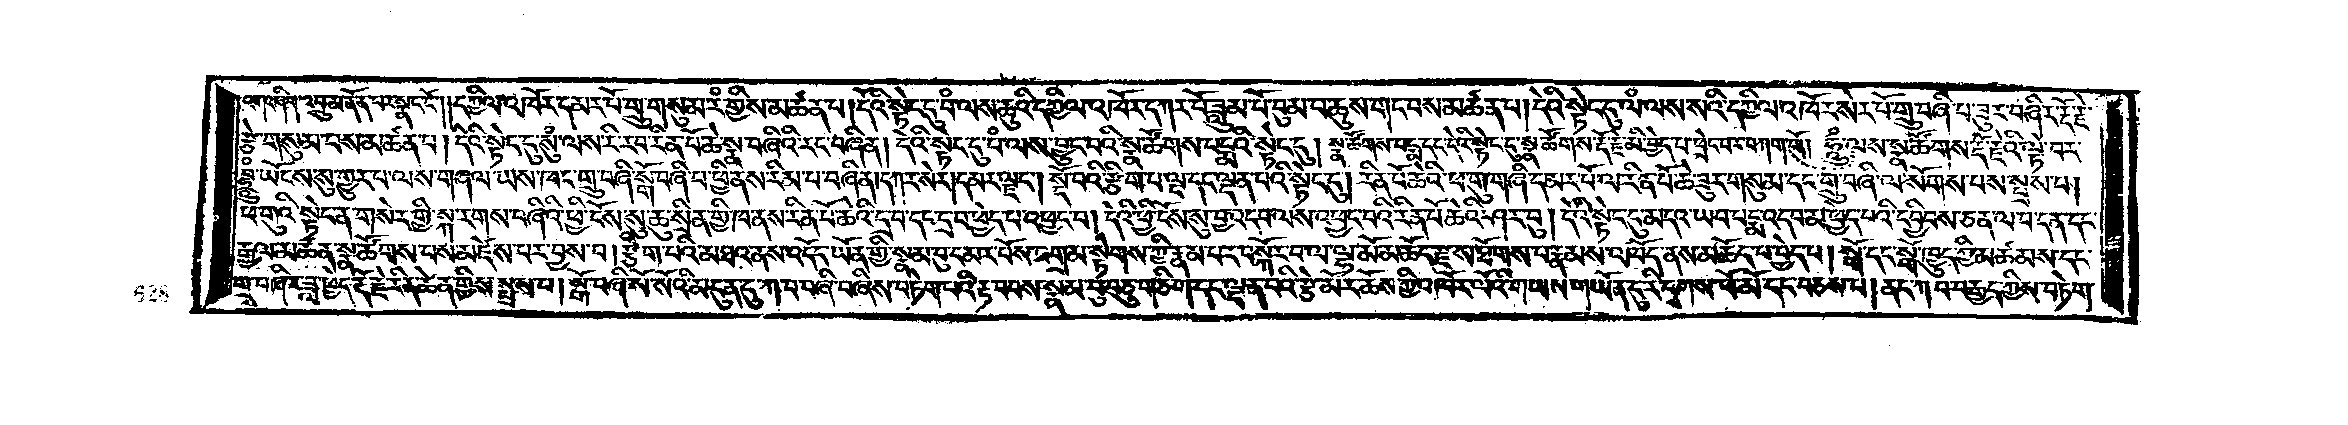འགའ་ཞིག་འབྲུ་མ་ནོན་པར་སྣང་ངོ། །དཀྱིལ་འཁོར་དམར་པོ་གྲུ་གསུམ་རཾ་གྱིས་མཚན་པ། དོའི་སྟེང་དུ་བཾ་ལས་ཆུའི་དཀྱིལ་འཁོར་དཀར་པོ་ཟླུམ་པོ་བུམ་བ་ཆུས་གང་བས་མཚན་པ། དེའི་སྟེང་དུ་ལཾ་ལས་སའི་དཀྱིལ་འཁོར་སེར་པོ་གྲུ་བཞི་པ་ཟུར་བཞིར་རྡོ་རྗེ་
རྩེ་གསུམ་པས་མཚན་པ། དེའི་སྟེང་དུ་སུཾ་ལས་རི་རབ་རིན་པོ་ཆེ་སྣ་བཞིའི་རང་བཞིན། དེའི་སྟེང་དུ་པཾ་ལས་བྱུང་བའི་སྣ་ཚོགས་པདམའི་སྟེང་དུ། སྣ་ཚོགས་པདམ་དང་དེའི་སྟེང་དུ་སྣ་ཚོགས་རྡོ་རྗེ་མི་བྱེད་པ་ཕྲེང་བར་བཀག་གོ། ཧཱུཾ་ལས་སྣ་ཚོགས་རྡོ་རྗེའི་ལྟེ་བར་
བྷྲཱུཾ་ཡོངས་སུ་གྱུར་པ་ལས་གཞལ་ཡས་ཁང་གྲུ་བཞི་སྒོ་བཞི་པ་ཕྱི་ནས་རིམ་པ་བཞིན། དཀར་སེར། དམར་ལྗང་། སྡོ་བའི་རྩིག་པ་ལྔ་དང་ལྡན་པའི་སྟེང་དུ། རིན་པོ་ཆེའི་ཕ་གུ་གཞི་དམར་པོ་ལ་རིན་པོ་ཆེ་ཟུར་གསུམ་དང་གྲུ་བཞི་ལ་སོགས་པས་སྤྲས་པ།
ཕ་གུའི་སྟེང་ན་གསེར་གྱི་སྐ་རགས་བཞིའི་ཕྱི་ངོས་སུ་ཆུ་སྲིན་གྱི་ཁ་ནས་རིན་པོ་ཆེའི་དྲ་བ་དང་དྲ་བ་ཕྱེད་པ་འཕྱང་བ། དེའི་ཕྱི་ངོས་སུ་བྱ་འདབ་ལས་འཕྱང་བའི་རིན་པོ་ཆེའི་ཤར་བུ། དེའི་སྟེང་དུ་མདའ་ཡབ་པདམ་འདབ་མ་ཕྱེད་པའི་དབྱིབས་ཅན་ལ་བ་དན་དང་
རྒྱལ་མཚན་སྣ་ཚོགས་པས་མཛེས་པར་བྱས་པ། རྩིག་པའི་མཐའ་ནས་འདོད་ཡོན་གྱི་སྣམ་བུ་དམར་པོས་འགྲམ་སྟེགས་ཀྱི་རྣམ་པར་བསྐོར་བ་ལ་ལྷ་མོ་མཆོད་རྫས་ཐོགས་པ་རྣམས་འཁོད་ནས་མཆོད་པ་བྱེད་པ། སྒོ་དང་སྒོ་ཁྱུད་ཀྱི་མཚམས་དང་
གྲུ་བཞིར་ཟླ་ཕྱེད་རྡོ་རྗེ་རིན་ཆེན་གྱིས་སྤྲས་པ། སྒོ་བཞི་སོ་སོའི་མདུན་དུ་ཀ་བ་བཞི་བཞིས་བཏེག་པའི་རྟ་བབས་སྣམ་བུ་བཅུ་གཅིག་དང་ལྡན་པའི་རྩེ་མོར་ཆོས་ཀྱི་འཁོར་ལོའི་གཡས་གཡོན་དུ་རི་དྭགས་ཕོ་མོ་དང་བཅས་པ། ནང་ཀ་བ་བརྒྱད་ཀྱིས་བཏེག་